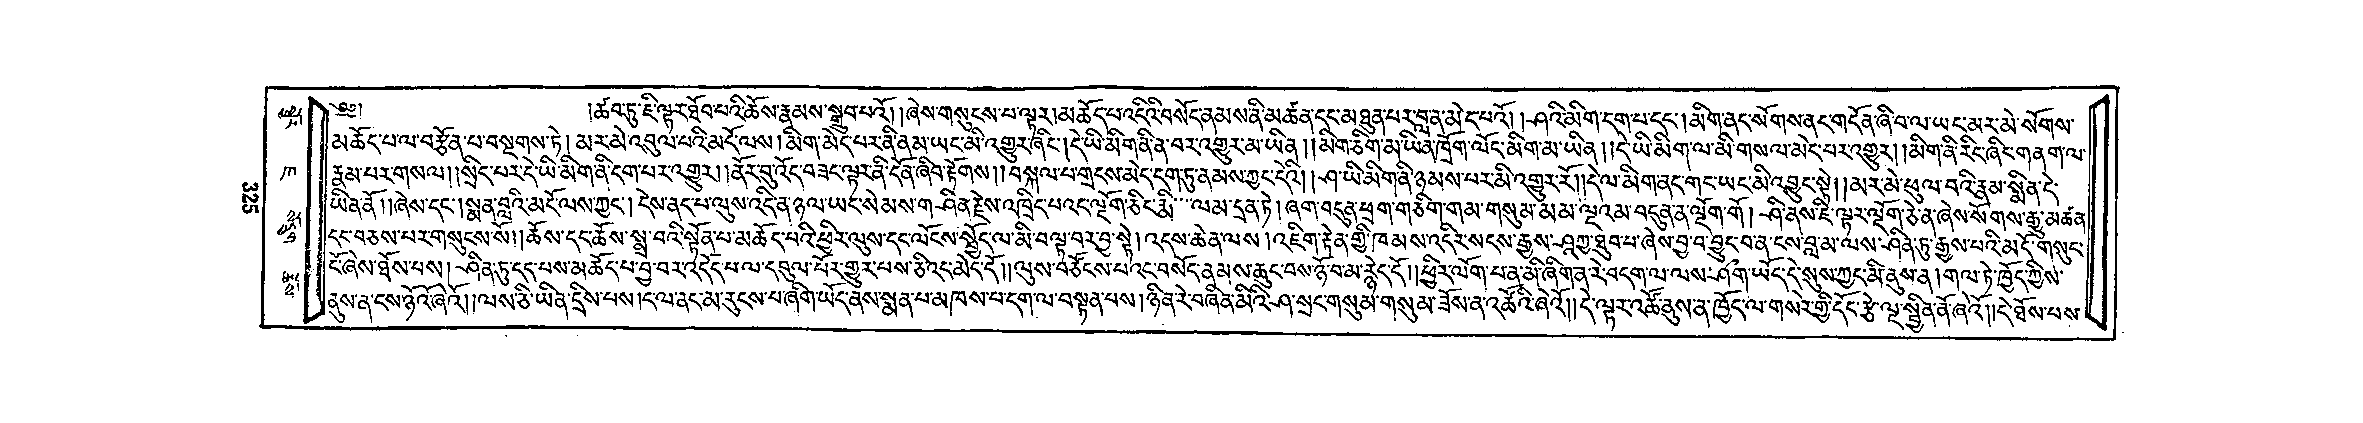༄༅། །ཚབ་ཏུ་ཇི་ལྟར་ཐོབ་པའི་ཆོས་རྣམས་སྒྲུབ་པའོ། །ཞེས་གསུངས་པ་ལྟར། མཆོད་པ་འདིའི་བསོད་ནམས་ནི་མཚན་དང་མཐུན་པར་བླ་ན་མེད་པའོ། །ཤའི་མིག་དག་པ་དང་། མིག་ནད་སོགས་ནང་གདོན་ཞི་བ་ལ་ཡང་མར་མེ་སོགས་
མཆོད་པ་ལ་བརྩོན་པ་བསྔགས་ཏེ། མར་མེ་འབུལ་པའི་མདོ་ལས། མིག་མེད་པར་ནི་ནམ་ཡང་མི་འགྱུར་ཞིང་། དེ་ཡི་མིག་ནི་ན་བར་འགྱུར་མ་ཡིན། །མིག་ཅིག་མ་ཡིན་ཁྲོག་ལོང་མིག་མ་ཡིན། །དེ་ཡི་མིག་ལ་མི་གསལ་མེད་པར་འགྱུར། །མིག་ནི་རིང་ཞིང་གནག་ལ་
རྣམ་པར་གསལ། །སྲིད་པར་དེ་ཡི་མིག་ནི་དག་པར་འགྱུར། །ནོར་བུ་འོད་བཟང་ལྟར་ནི་དོན་ཞིབ་རྟོགས། །བསྐལ་པ་གྲངས་མེད་དག་ཏུ་ནམས་ཀྱང་དེའི། །ཤ་ཡི་མིག་ནི་ཉམས་པར་མི་འགྱུར་རོ། །དེ་ལ་མིག་ནད་གང་ཡང་མི་འབྱུང་སྟེ། །མར་མེ་ཕུལ་བའི་རྣམ་སྨིན་དེ་
ཡིན་ནོ། །ཞེས་དང་། སྨན་བླའི་མདོ་ལས་ཀྱང་། དེས་ནད་པ་ལུས་འདི་ན་ཉལ་ཡང་སེམས་གཤིན་རྗེས་འཁྲིད་པའང་ལྡོག་ཅིང་རྨི་ལམ་དྲན་ཏེ། ཞག་བདུན་ཕྲག་གཅིག་གམ་གསུམ་མམ་ལྔའམ་བདུན་ན་ལྡོག་གོ། ཤི་ནས་ཇི་ལྟར་ལྡོག་ཅེ་ན་ཞེས་སོགས་རྒྱུ་མཚན་
དང་བཅས་པར་གསུངས་སོ། །ཆོས་དང་ཆོས་སྨྲ་བའི་སྟོན་པ་མཆོད་པའི་ཕྱིར་ལུས་དང་ལོངས་སྤྱོད་ལ་མི་བལྟ་བར་བྱ་སྟེ། འདས་ཆེན་ལས། འཇིག་རྟེན་གྱི་ཁམས་འདིར་སངས་རྒྱས་ཤཱཀྱ་ཐུབ་པ་ཞེས་བྱ་བ་བྱུང་བ་ན་ངས་བླ་མ་ལས་ཤིན་ཏུ་རྒྱས་པའི་མདོ་གསུང་
ངོ་ཞེས་ཐོས་པས། ཤིན་ཏུ་དད་པས་མཆོད་པ་བྱ་བར་འདོད་པ་ལ་དབུལ་པོར་གྱུར་པས་ཅི་འང་མེད་དོ། །ལུས་བཙོངས་པའང་བསོད་ནམས་ཆུང་བས་ཉོ་བ་མ་རྙེད་དོ། །ཕྱིར་ལོག་པ་ན་མི་ཞིག་ན་རེ་བདག་ལ་ལས་ཤིག་ཡོད་དེ་སུས་ཀྱང་མི་ནུས་ན། གལ་ཏེ་ཁྱོད་ཀྱིས་
ནུས་ན་ངས་ཉོའོ་ཞེའོ། །ལས་ཅི་ཡིན་དྲིས་པས། ང་ལ་ནང་མ་རུངས་པ་ཞིག་ཡོད་ནས་སྨན་པ་མཁས་པ་དག་ལ་བསྟན་པས། ཉིན་རེ་བཞིན་མིའི་ཤ་སྲང་གསུམ་གསུམ་ཟོས་ན་འཚོའི་ཞེའོ། །དེ་ལྟར་འཚོ་ནུས་ན་ཁྱོད་ལ་གསེར་གྱི་དོང་རྩེ་ལྔ་སྦྱིན་ནོ་ཞེའོ། །དེ་ཐོས་པས་